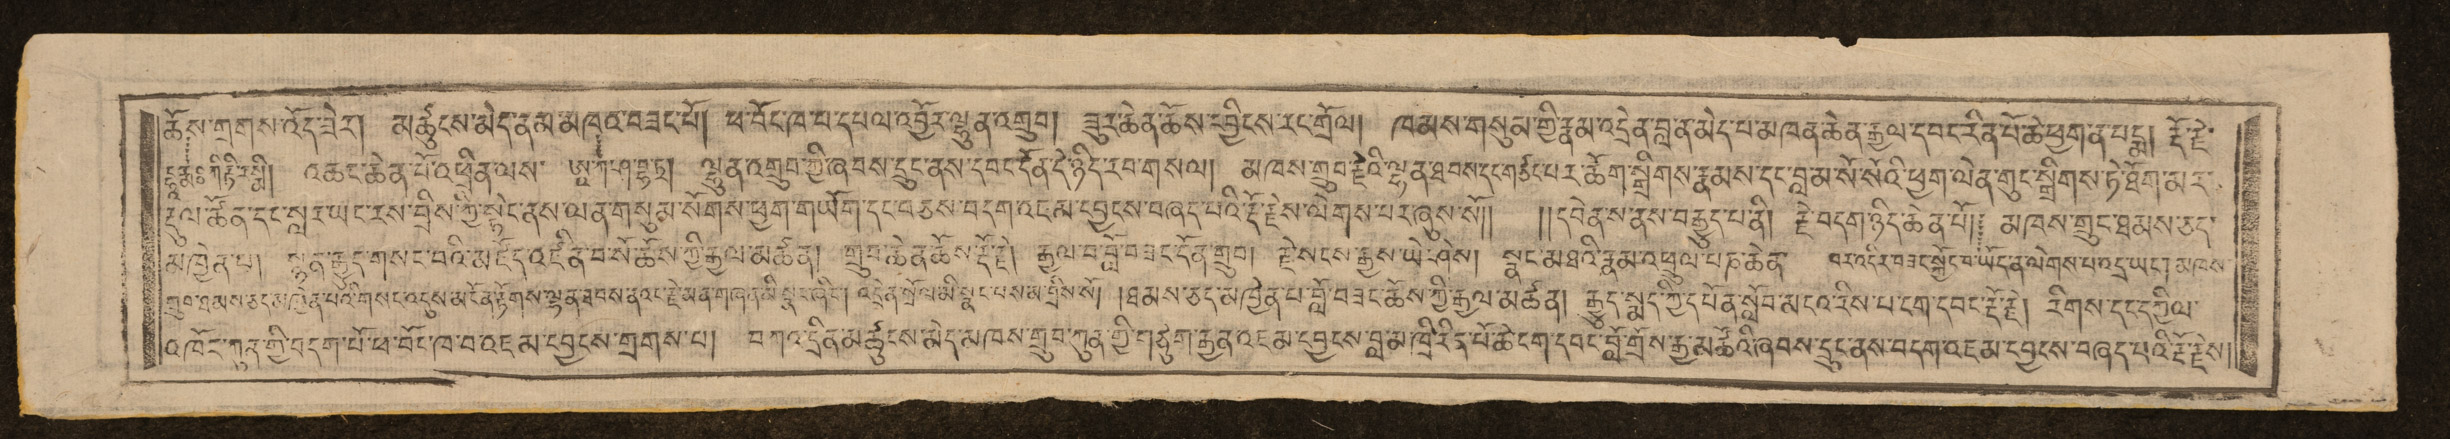ཆོས་གྲགས་འོད་ཟེར། མཚུངས་མེད་ནམ་མཁའ་བཟང་པོ། ཕ་བོང་ཁ་པ་དཔལ་འབྱོར་ལྷུན་འགྲུབ། ཟུར་ཆེན་ཆོས་དབྱིངས་རང་གྲོལ། ཁམས་གསུམ་གྱི་རྣམ་འདྲེན་བླ་ན་མེད་པ་མཁན་ཆེན་རྒྱལ་དབང་རིན་པོ་ཆེ་ཕྱག་ན་པདམ། རྡོ་རྗེ་
དྷརྨཿཀིརྟི་ར་སྨི། འཆང་ཆེན་པོ་འཕྲིན་ལས། ཨཱ་ཀ་ཤབྷ་ཏྲ། ལྷུན་འགྲུབ་ཀྱི་ཞབས་དྲུང་ནས་དབང་དོན་དེ་ཉིད་རབ་གསལ། མཁས་གྲུབ་རྗེའི་ལྷན་ཐབས་དང་གཙང་བར་ཆོག་སྒྲིགས་རྣམས་དང་བླ་མ་སོ་སོའི་ཕྱག་ལེན་གུང་སྒྲིགས་ཏེ་ཐོག་མར་
རྡུལ་ཚོན་དང་སླར་ཡང་རས་བྲིས་ཀྱི་སྟེང་ནས་ལན་གསུམ་སོགས་ཕྱག་གཡོག་དང་བཅས་བདག་འཇམ་དབྱངས་བཞད་པའི་རྡོ་རྗེས་ལེགས་པར་ཞུས་སོ།། །།དབེན་ས་ནས་བརྒྱུད་པ་ནི། རྗེ་བདག་ཉིད་ཆེན་པོ།། མཁས་གྲུབ་ཐམས་ཅད་
མཁྱེན་པ། སྙན་རྒྱུད་གསང་བའི་མཛོད་འཛིན་པ་སོ་ཆོས་ཀྱི་རྒྱལ་མཚན། གྲུབ་ཆེན་ཆོས་རྡོ་རྗེ། རྒྱལ་བ་བློ་བཟང་དོན་གྲུབ། རྗེ་སངས་རྒྱས་ཡེ་ཤེས། སྣང་མཐའི་རྣམ་འཕྲུལ་པཎ་ཆེན་བར་འདིར་བཟང་སྐྱོང་བ་ཡོད་ན་ལེགས་པ་འདྲ་ཡང་། མཁས་
གྲུབ་ཐམས་ཅད་མཁྱེན་པའི་གསང་བདུས་མངོན་རྟོགས་ལྷན་ཐབས་ནའང་རྗེ་མན་གཞན་མི་སྣང་ཞིང་། འདྲེན་སྲོལ་མི་སྣང་བས་མ་བྲིས་སོ། །ཐམས་ཅད་མཁྱེན་པ་བློ་བཟང་ཆོས་ཀྱི་རྒྱལ་མཚན། རྒྱུད་སྨད་ཀྱི་དཔོན་སློབ་མངའ་རིས་པ་ངག་དབང་རྡོ་རྗེ། རིགས་དང་དཀྱིལ་
འཁོར་ཀུན་གྱི་བདག་པོ་ཕ་བོང་ཁ་བ་འཇམ་དབྱངས་གྲགས་པ། བཀའ་དྲིན་མཚུངས་མེད་མཁས་གྲུབ་ཀུན་གྱི་གཙུག་རྒྱན་འཇམ་དབྱངས་བླ་མ་ཁྲི་རིན་པོ་ཆེ་ངག་དང་བློ་གྲོས་རྒྱ་མཚོའི་ཞབས་དྲུང་ནས་བདག་འཇམ་དབྱངས་བཞད་པའི་རྡོ་རྗེས་